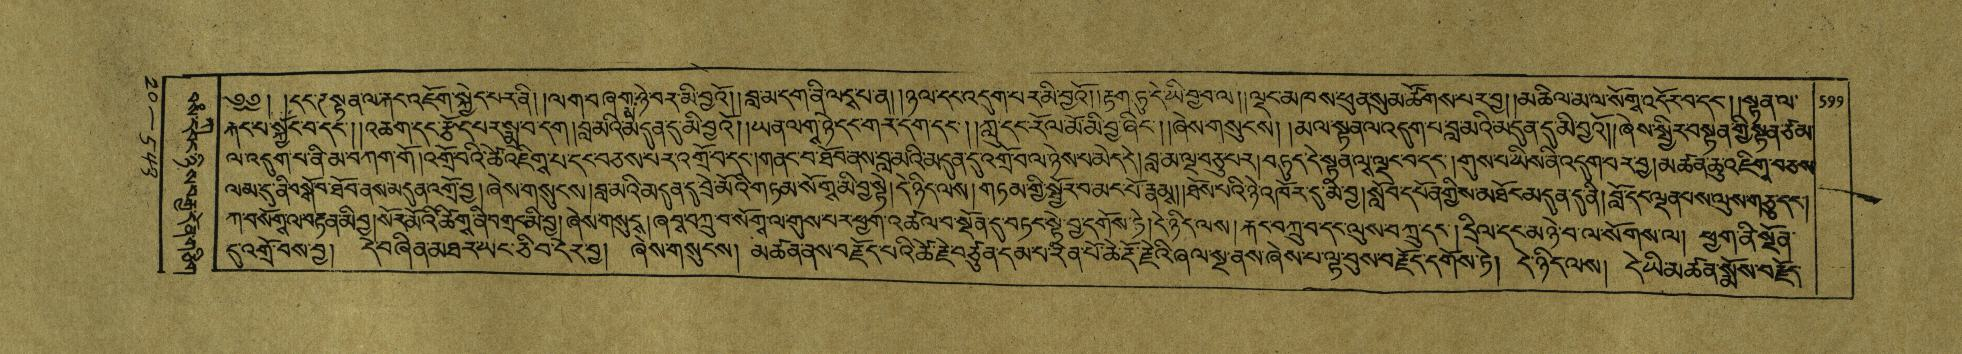༄༅། །དང༑ སྟན་ལ་རྐང་འཇོག་སྐྱེད་པར་ནི། །ལག་བཞག་མ་ཉེ་བར་མི་བྱའོ། །བླ་མ་དག་ནི་ལངས་པ་ན། །ཉལ་དང་འདུག་པར་མི་བྱའོ། །རྟག་ཏུ་དེ་ཡི་བྱ་བ་ལ། །ལྡང་མཁས་ཕུན་སུམ་ཚོགས་པར་བྱ། །མཆིལ་མ་ལ་སོགས་འདོར་བ་དང་། །སྟན་ལ་
རྐང་པ་སྐྱོང་བ་དང་། །འཆག་དང་རྩོད་པར་སྨྲ་བ་དག །བླ་མའི་མདུན་དུ་མི་བྱའོ། །ཡན་ལག་ཉེ་དང་གར་དག་དང་། །ཀླུ་དང་རོལ་མོ་མི་བྱ་ཞིང་། །ཞེས་གསུངས། །མལ་སྟན་ལ་འདུག་པ་བླ་མའི་མདུན་དུ་མི་བྱའོ། །ཞེས་སྤྱིར་བསྟན་གྱི་སྟན་ཙམ་
ལ་འདུག་པ་ནི་མ་བཀག་གོ །འགྲོ་བའི་ཚེ་འཇིགས་པ་དང་བཅས་པར་འགྲོ་བ་དང་།གནང་བ་ཐོབ་ནས་བླ་མའི་མདུན་དུ་འགྲོ་བ་ལ་ཉེས་པ་མེད་དེ། བླ་མ་ལྔ་བཅུ་པར། བཏུད་དེ་སྟན་ལ་ལྡང་བ་དང་།གུས་པ་ཡིས་ནི་འདུག་པར་བྱ། མཚན་ཆུ་འཇིགས་བཅས་
ལམ་དུ་ནི་བསྒོ་བ་ཐོབ་ནས་མདུན་འགྲོ་བྱ། ཞེས་གསུངས། བླ་མའི་མདུན་དུ་བྲེ་མོའི་གཏམ་སོགས་མི་བྱ་སྟེ། དེ་ཉིད་ལས། གཏམ་གྱི་སྦྱོར་བ་མང་པོ་རྣམས། །ཐོས་པའི་ཉེ་འཁོར་དུ་མི་བྱ་།སློབ་དཔོན་གྱིས་མཐོང་མདུན་དུ་ནི། བློ་དང་ལྡན་པས་ལུས་གཅུ་དང་།
ཀ་བ་སོགས་ལ་བརྟན་མི་བྱ། སོར་མོའི་ཚིགས་ནི་བགྲང་མི་བྱ། ཞེས་གསུངས། ཞབས་བཀྲུ་བ་སོགས་ལ་གུས་པར་ཕྱག་འཚལ་བ་སྔོན་དུ་བཏང་སྟེ་བྱ་དགོས་ཏེ་།དེ་ཉིད་ལས། རྐང་བཀྲུ་བ་དང་ལུས་བཀྲུ་དང་། དྲིལ་དང་མཉེ་བ་ལ་སོགས་ལ། ཕྱག་ནི་སྔོན་
དུ་འགྲོ་བས་བྱ། དེ་བཞིན་མཐར་ཡང་ཅི་བ་དེར་བྱ། ཞེས་གསུངས། མཚན་ནས་བརྗོད་པའི་ཚེ་རྗེ་བཙུན་དམ་པ་རིན་པོ་ཆེ་རྡོ་རྗེའི་ཞལ་སྔ་ནས་ཞེས་པ་ལྟ་བུས་བརྗོད་དགོས་ཏེ། དེ་ཉིད་ལས། དེ་ཡི་མཚན་སྨོས་བརྗོད་